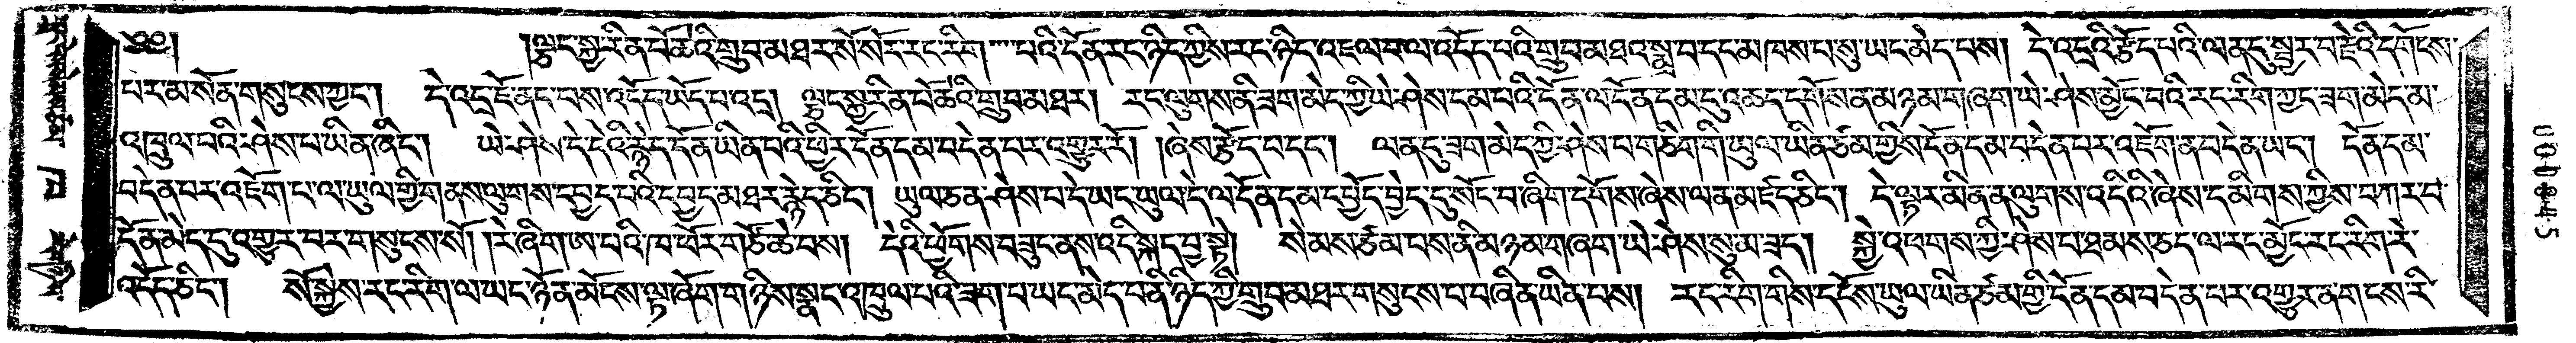༄༅། །ལྕང་སྐྱ་རིན་པོ་ཆེའི་གྲུབ་མཐར་སོ་སོར་རང་རིག་པའི་དོན་རང་ཉིད་ཀྱིས་རང་ཉིད་འཇལ་བ་ལ་འདོད་པའི་གྲུབ་མཐའ་སྨྲ་བ་དང་མཁས་པ་སུ་ཡང་མེད་པས། དེ་འདྲའི་རྩོད་པའི་ལན་དུ་སྦྱར་བ་རྗེའི་དགོངས་
པར་མ་སོན་གསུངས་ཀྱང་། དེ་འདྲ་ཇོ་ནང་པས་འདོད་ཡོད་པ་འདྲ། ལྕང་སྐྱ་རིན་པོ་ཆེའི་གྲུབ་མཐར། རང་ལུགས་ནི་ཟག་མེད་ཀྱི་ཡེ་ཤེས་དམ་པའི་དོན་ལ་དོན་དམ་དུ་འཆད་དགོས་ན་མཉམ་གཞག་ཡེ་ཤེས་མྱོང་བའི་རང་རིག་ཀྱང་ཟག་མེད་མ་
འཁྲུལ་པའི་ཤེས་པ་ཡིན་ཞིང་། ཡེ་ཤེས་དེ་དེའི་རྙེད་དོན་ཡིན་པའི་ཕྱིར་དོན་དམ་བདེན་པར་འགྱུར་རོ། །ཞེས་རྩོད་པ་དང་། ལན་དུ་ཟག་མེད་ཀྱི་ཤེས་པ་གཅིག་གི་ཡུལ་ཡིན་ཙམ་གྱིས་དོན་དམ་བདེན་པར་འཇོག་ན་བདེན་ཡང་། དོན་དམ་
བདེན་པར་འཇོག་པ་ལ་ཡུལ་གྱི་གནས་ལུགས་དཔྱོད་པའི་དཔྱད་མཐར་རྙེད་ཅིང་། ཡུལ་ཅན་ཤེས་པ་དེ་ཡང་ཡུལ་དེ་ལ་དོན་དམ་དཔྱོད་བྱེད་དུ་སོང་བ་ཞིག་དགོས་ཞེས་ལན་མཛད་ཅིང་། དེ་ལྟར་མིན་ན་ལུགས་འདིའི་ཞེས་དམིགས་ཀྱིས་བཀར་བ་
དོན་མེད་དུ་འགྱུར་བར་གསུངས་སོ། །རེ་ཞིག་ཨ་པའི་ཁ་ཕོར་གཙོ་ཆེ་བས། དེའི་ཕྱོགས་བཟུང་ནས་འདི་སྐད་བྱ་སྟེ། སེམས་ཙམ་པས་ནི་མཉམ་གཞག་ཡེ་ཤེས་སུ་མ་ཟད། སྐྱེ་འཕགས་ཀྱི་ཤེས་པ་ཐམས་ཅད་ལ་རང་མྱོང་རང་རིག་རེ་
འདོད་ཅིང་། སོ་སྐྱེས་རང་རིག་ལ་ཡང་ཉོན་མོངས་ལྟ་ཞོག་གཉིས་སྣང་འཁྲུལ་པའི་ཟག་པ་ཡང་མེད་པ་ནི་ཉིད་ཀྱི་གྲུབ་མཐར་གསུངས་པ་བཞིན་ཡིན་པས། རང་རིག་གིས་དངོས་ཡུལ་ཡིན་ཙམ་གྱི་དོན་དམ་བདེན་པར་འགྱུར་ན་གངས་རི་